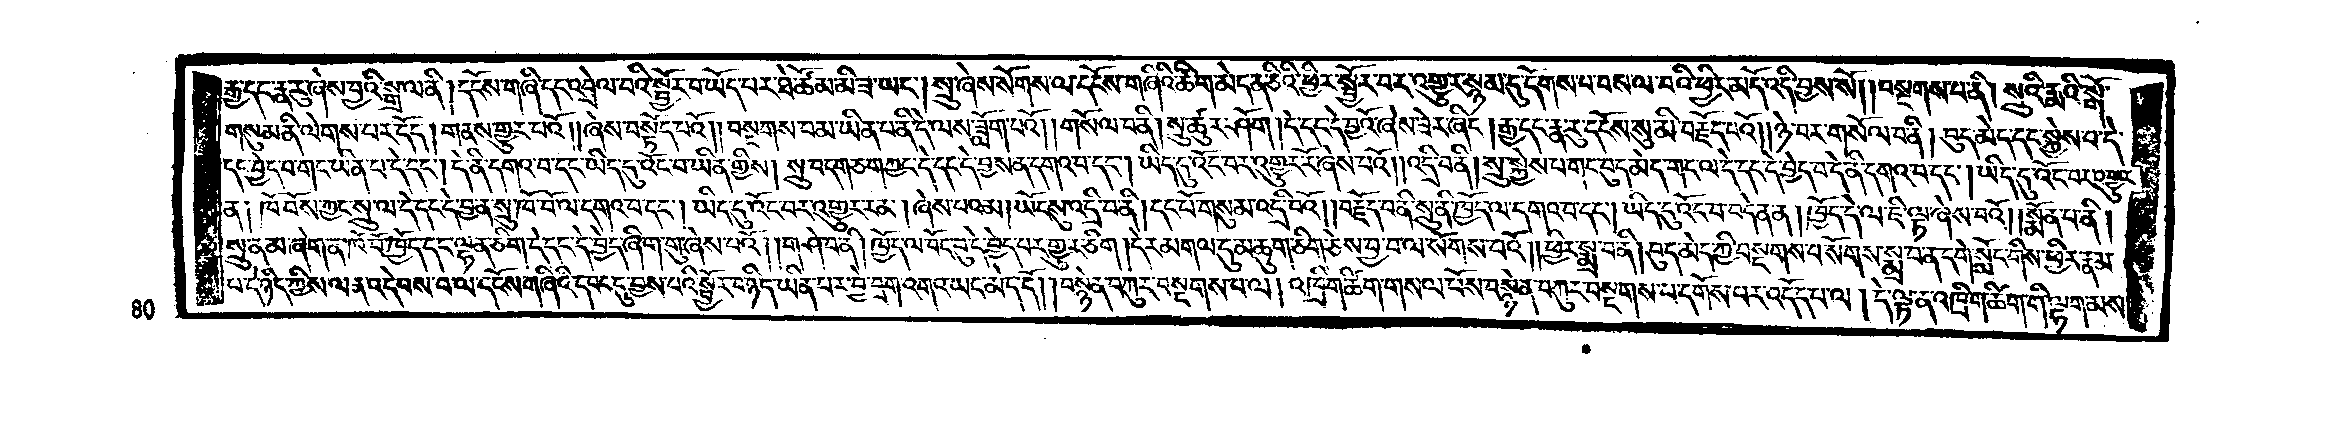རྒྱ་དང་རྣ་རུ་ཞེས་བྱའི་སྒྲ་ལ་ནི། དངོས་གཞི་དང་འབྲེལ་བའི་སྦྱོར་བ་ཡོད་པར་ཐེ་ཚོམ་མི་ཟ་ཡང་། སྲུ་ཞེས་སོགས་ལ་དངོས་གཞིའི་ཚིག་མེད་ན་ཅིའི་ཕྱིར་སྦྱོར་བར་འགྱུར་སྙམ་དུ་དོགས་པ་བསལ་བའི་ཕྱིར་མདོ་འདི་བྱས་སོ། །བསྔགས་པ་ནི། སྲུའི་རྨའི་སྒོ་
གསུམ་ནི་ལེགས་པར་དོད། གནས་གྱུར་པའོ། །ཞེས་བསྟོད་པའོ། །བསྔགས་པ་མ་ཡིན་པ་ནི་དེ་ལས་ཟློག་པའོ། །གསོལ་བ་ནི། སྲུ་ཚུར་ཤོག །དེ་དང་དེ་བྱའོ་ཞེས་ཟེར་ཞིང་། རྒྱ་དང་རྣ་རུ་དངོས་སུ་མི་བརྗོད་པའོ། །ཉེ་བར་གསོལ་བ་ནི། བུད་མེད་དང་སྐྱེས་པ་དེ་
དང་བྱེད་པ་གང་ཡིན་པ་དེ་དང་། དེ་ནི་དགའ་བ་དང་ཡིད་དུ་འོང་བ་ཡིན་གྱིས། སྲུ་བདག་ཅག་ཀྱང་དེ་དང་དེ་བྱས་ན་དགའ་བ་དང་། ཡིད་དུ་འོང་བར་འགྱུར་རོ་ཞེས་པའོ། །འདྲི་བ་ནི། སྲུ་སྐྱེས་པ་གང་བུད་མེད་གང་ལ་དེ་དང་དེ་བྱེད་པ་དེ་ནི་དགའ་བ་དང་། ཡིད་དུ་འོང་བར་འགྱུར་
ན། ཁོ་བོས་ཀྱང་སྲུ་ལ་དེ་དང་དེ་བྱ་ན་སྲུ་ཁོ་བོ་ལ་དགའ་བ་དང་། ཡིད་དུ་འོང་བར་འགྱུར་རམ། ཞེས་པའམ། ཡོངས་སུ་འདྲི་བ་ནི། དང་པོ་གསུམ་འདྲི་བའོ། །བརྗོད་པ་ནི་སྲུ་ནི་ཁྱོད་ལ་དགའ་བ་དང་། ཡིད་དུ་འོང་བ་བདེན་ན། ཁྱོད་དེ་ལ་ཇི་ལྟ་ཞེས་པའོ། །སྨོན་པ་ནི།
སྲུ་ནམ་ཞིག་ན་ཁོ་བོ་ཁྱོད་དང་ལྷན་ཅིག་དེ་དང་དེ་བྱེད་ཞིག་གུ་ཞེས་པའོ། །གཤེ་བ་ནི། ཁྱོད་ལ་བོང་བུ་དེ་བྱེད་པར་གྱུར་ཅིག །དེར་མགལ་དུ་མ་ཆུ་གཅིག་ཅེས་བྱ་བ་ལ་སོགས་པའོ། །ཕྱིར་སྨྲ་བ་ནི། བུད་མེད་ཀྱི་བསྔགས་པ་སོགས་སྨྲ་བ་ན་དགེ་སློང་གིས་ཕྱིར་རྣམ་
པ་དེ་ཉིད་ཀྱིས་ལན་འདེབས་པ་ལ་དངོས་གཞིའི་དབང་དུ་བྱས་པའི་སྦྱོར་བ་ཉིད་ཡིན་པར་བྱེ་བྲག་འགའ་ཡང་མེད་དོ། །བསྙེན་བཀུར་བསྔགས་པ་ལ། འཁྲིག་ཚིག་གསལ་པོས་བསྙེན་བཀུར་བསྔགས་པ་དགོས་པར་འདོད་པ་ལ། དེ་ལྟ་ན་འཁྲིག་ཚིག་གི་ལྷག་མས་